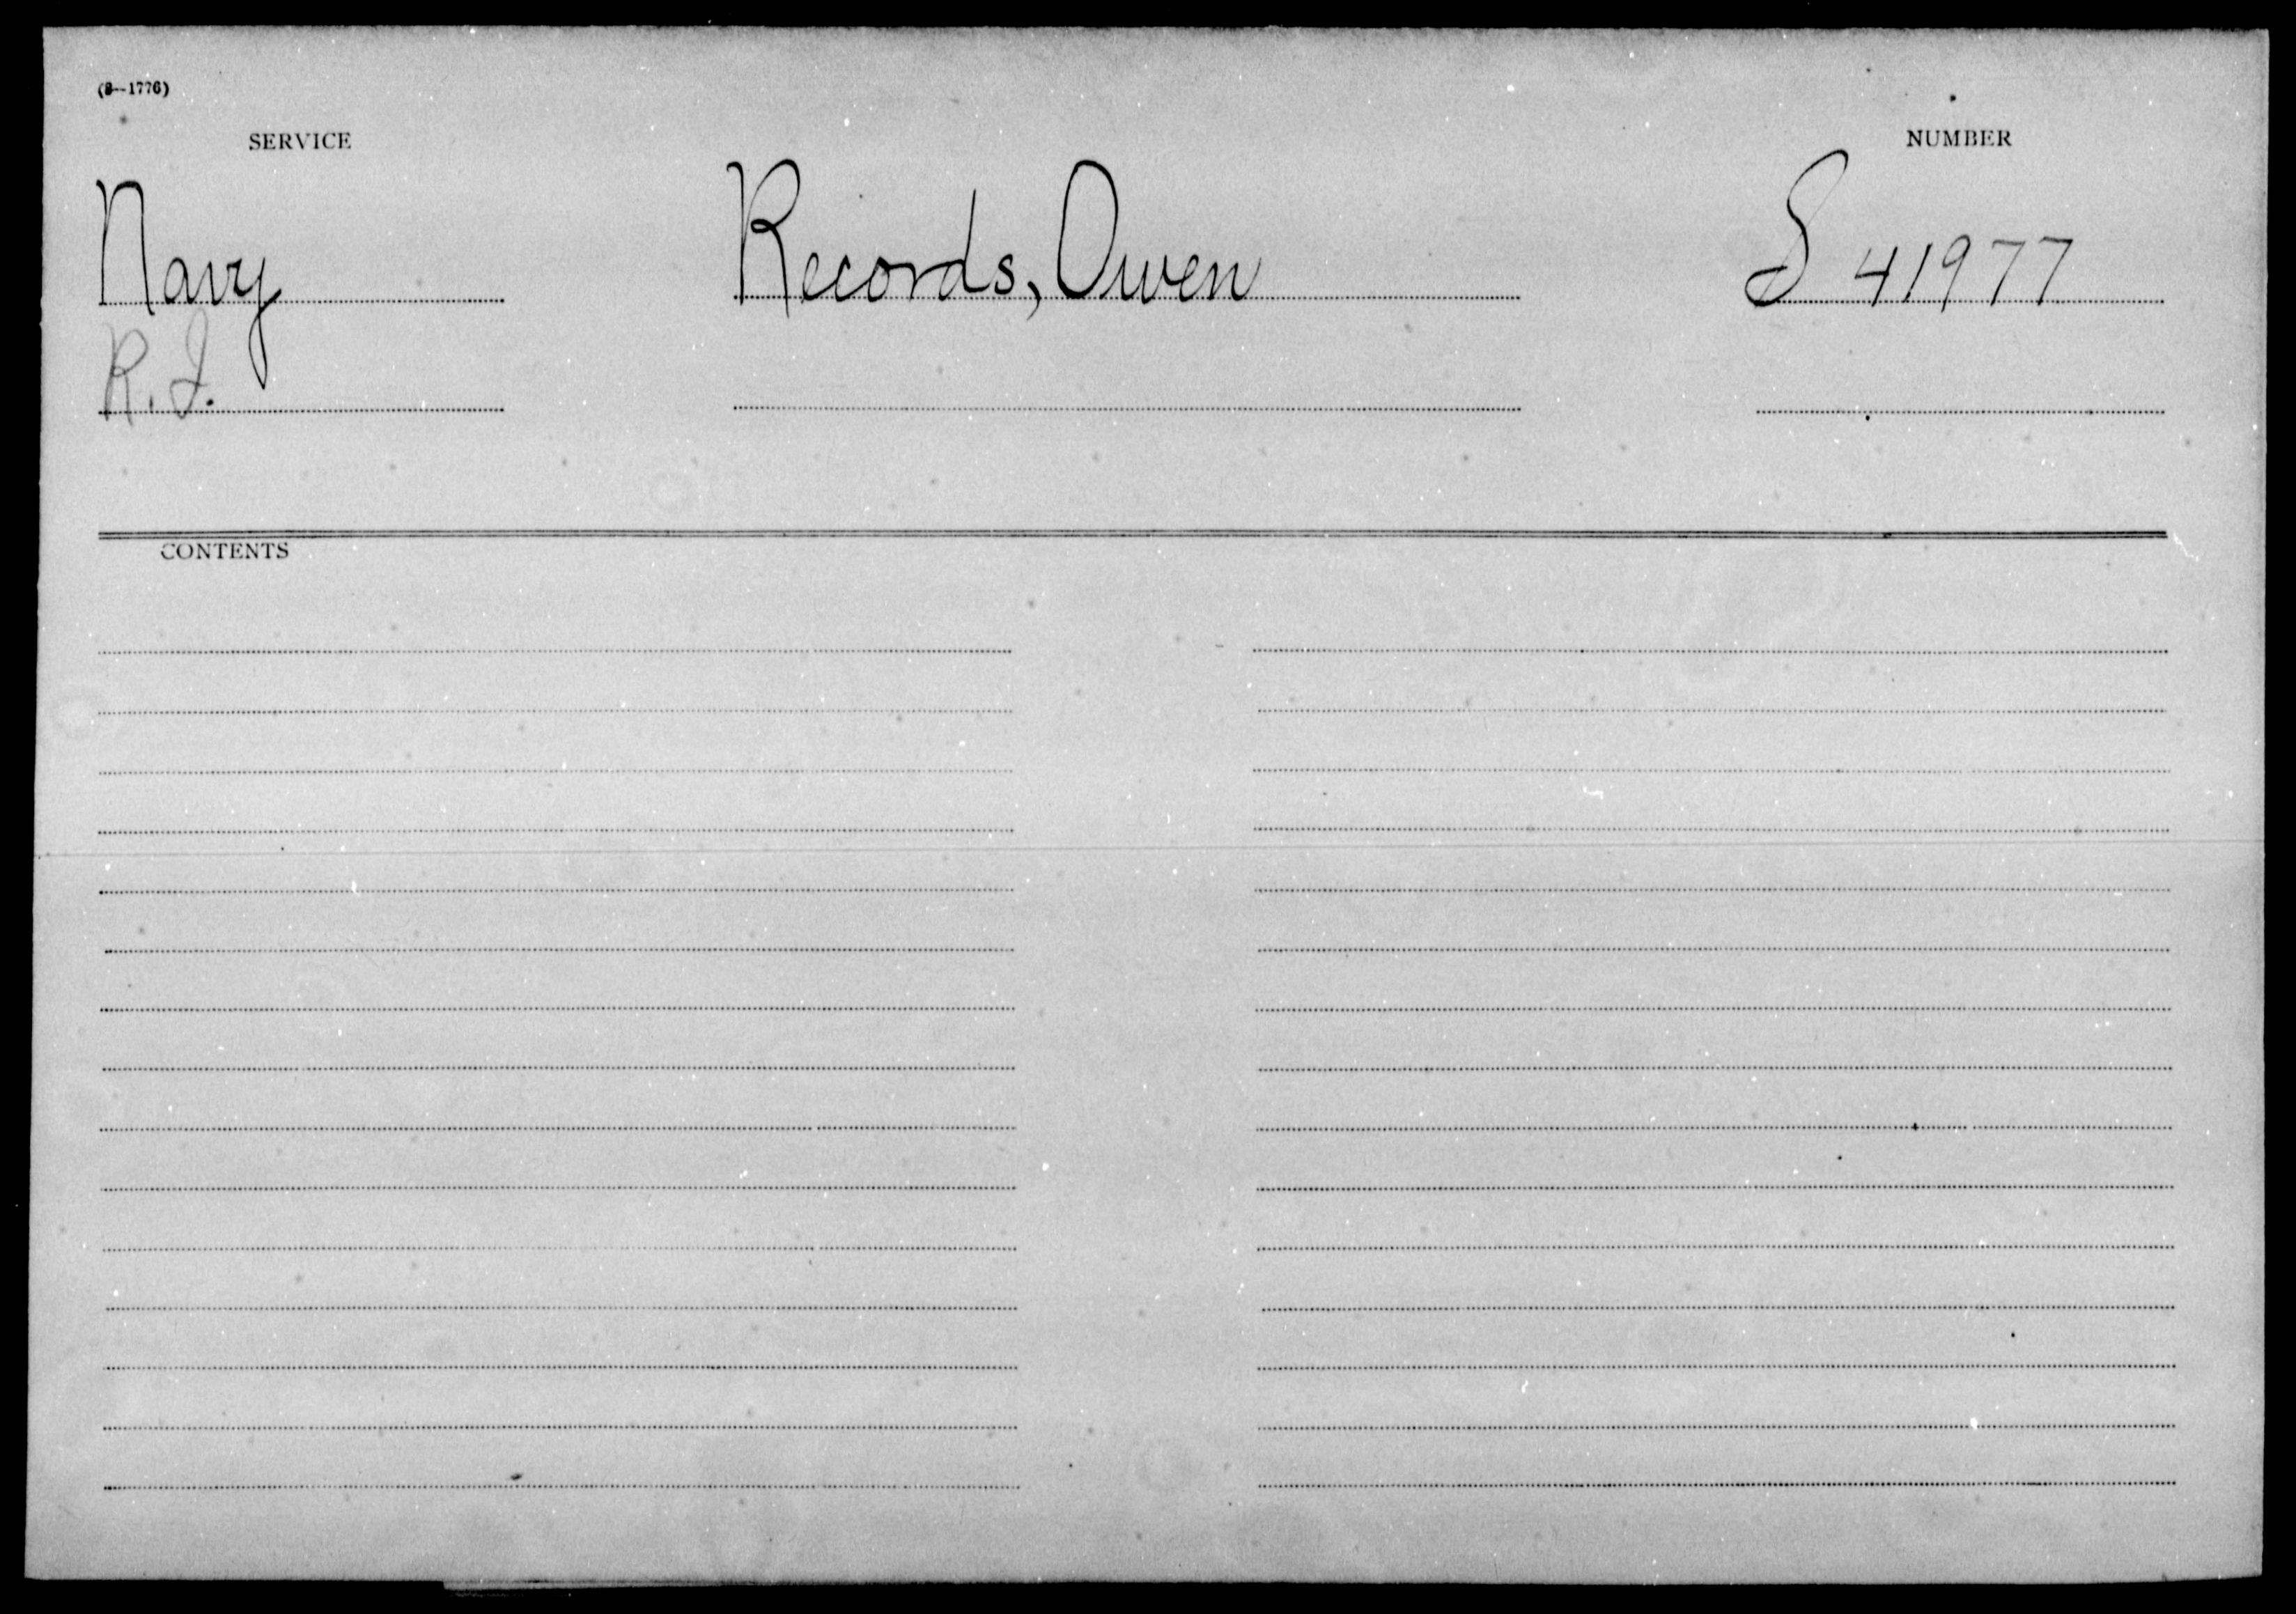(3─1776)

SERVICE
Navy
R.I.

Records, Owen

NUMBER
S. 41977

CONTENTS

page: 1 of 12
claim: survivor's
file: S. 41977, for Owen Records, Rhode Island